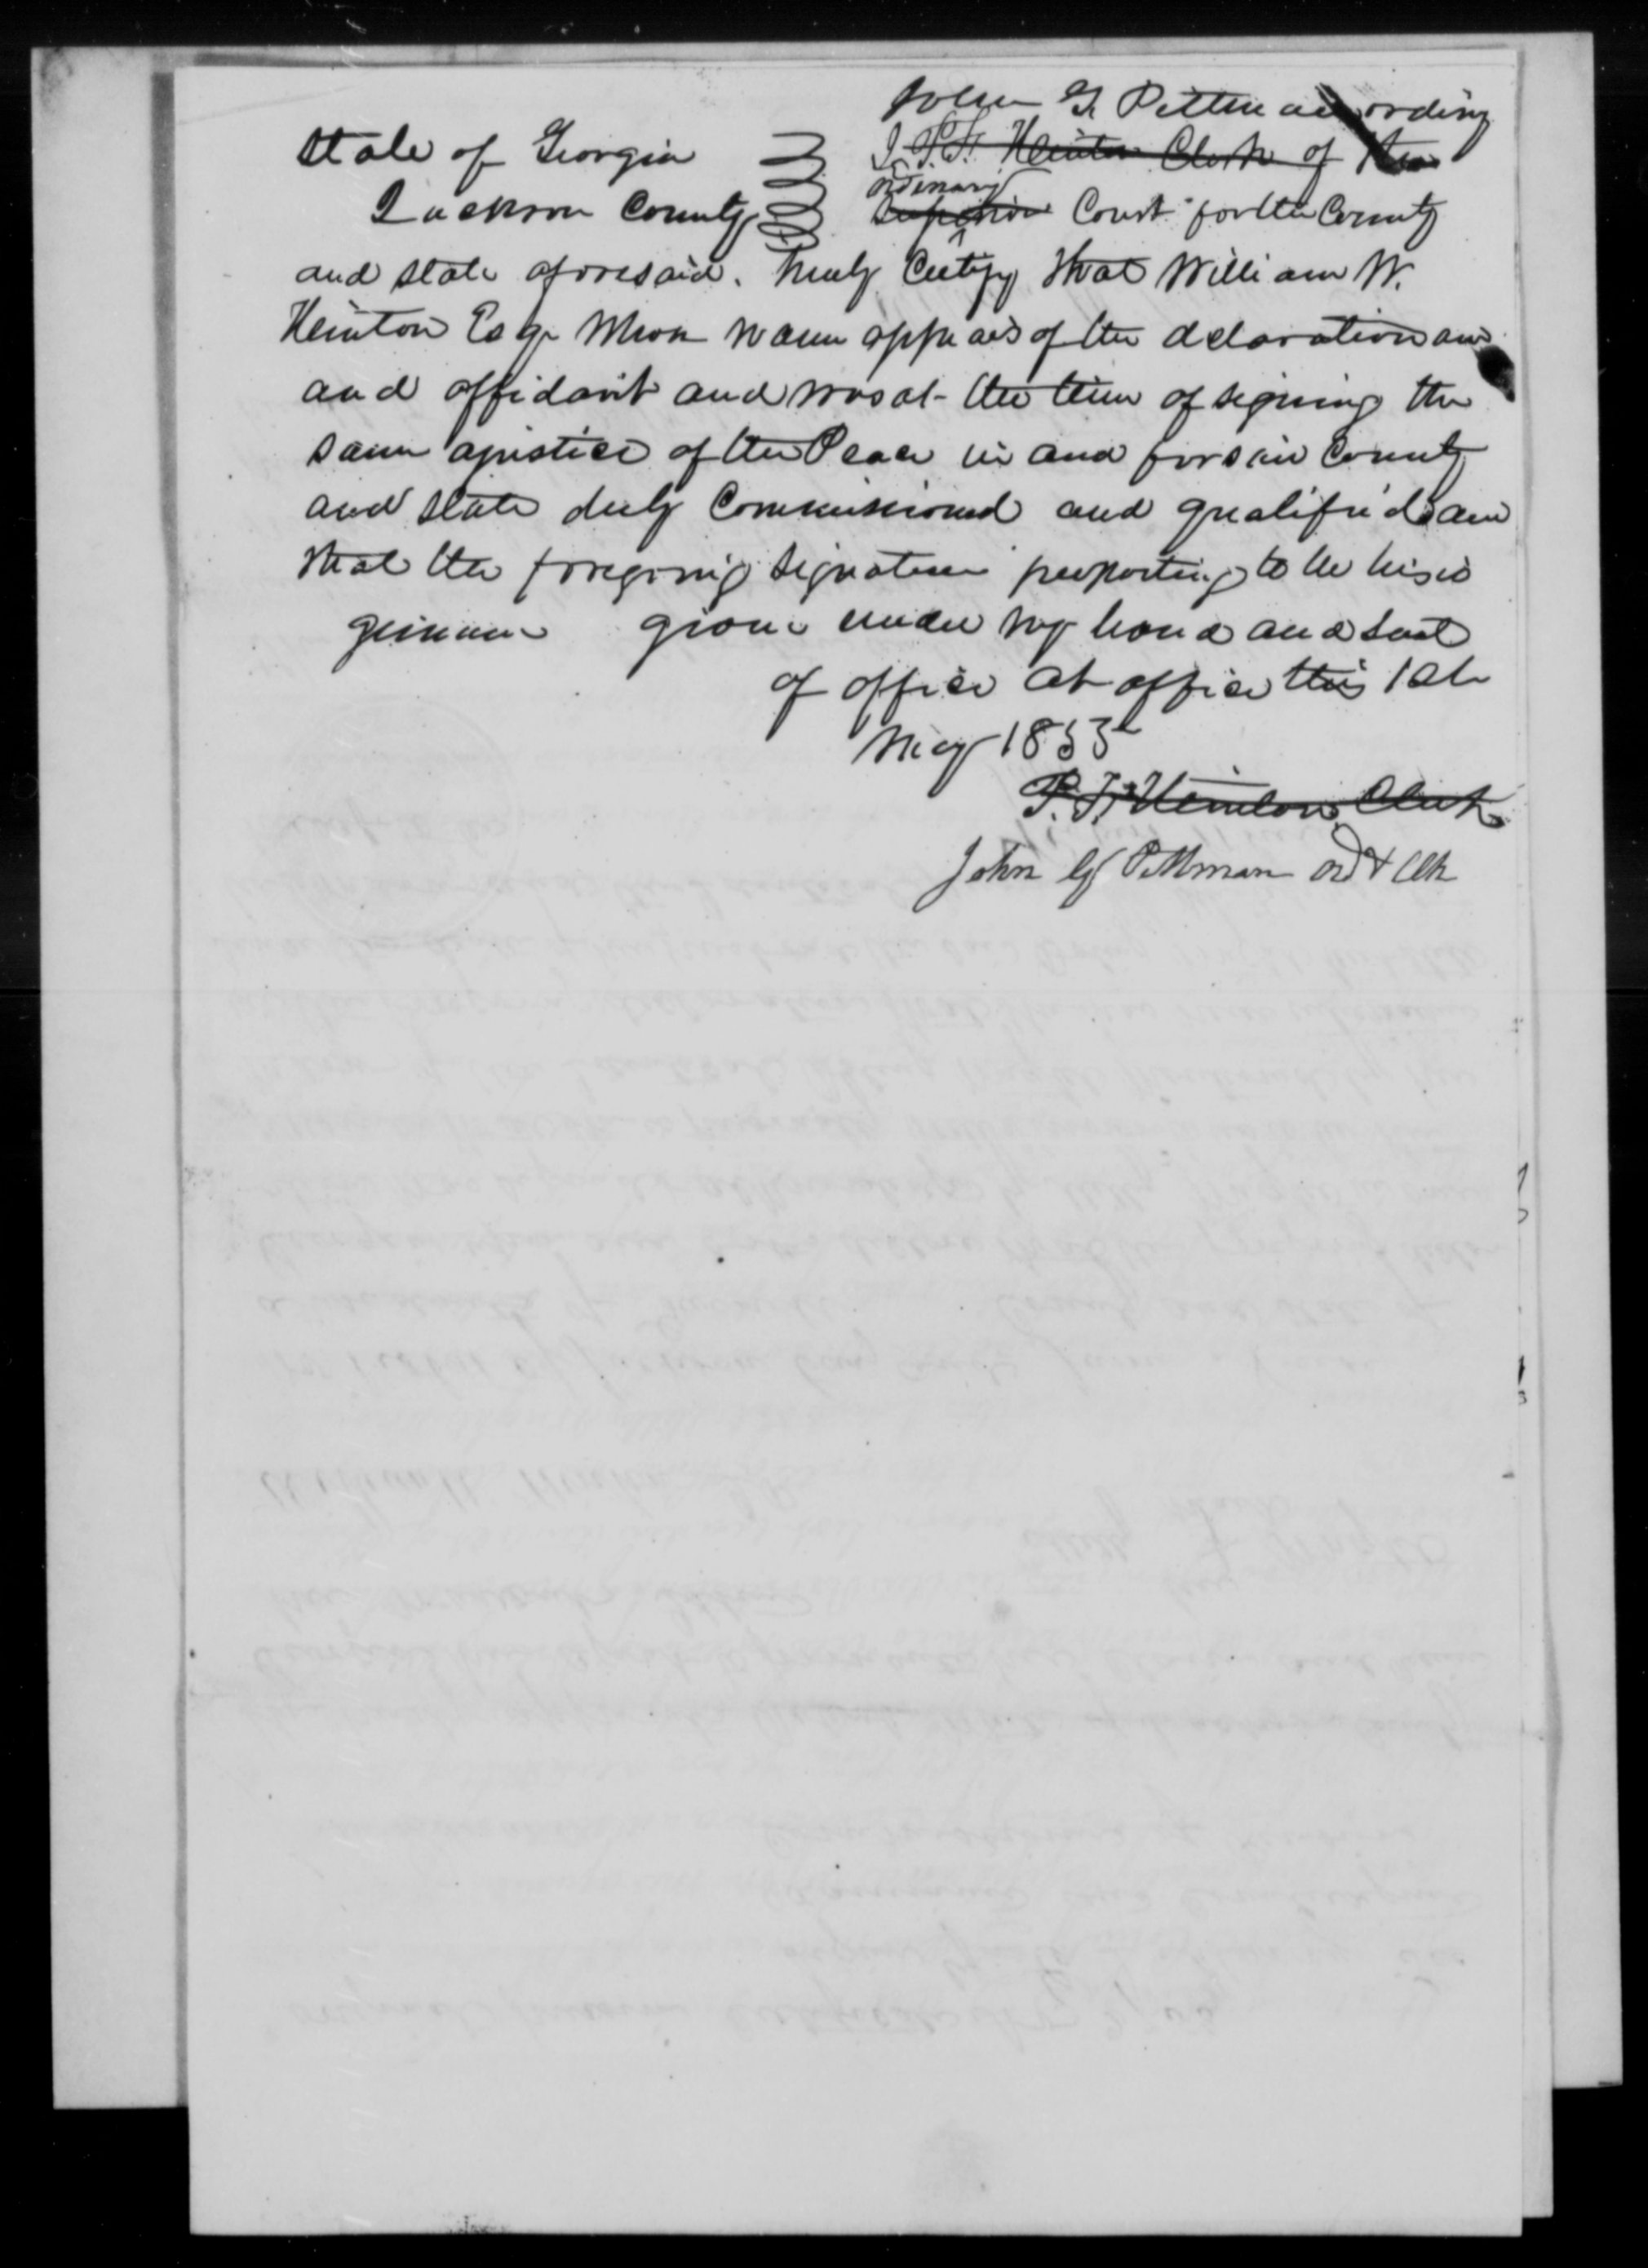State of Georgia} John G. Pitten according 
Jackson County} ordinary Court for the County and State aforesaid. hereby Certify that William W. Hinton Esq whose name appears of the declaration and affidavit and was at the time of signing the same a justice of the Peace in and for said County and State duly Commissioned and qualified and that the foregoing signature purporting to be his is genuine given under my hand and Seal of office at office this 12 May 1855
John G Pittman ord & Clk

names: John G Pitten, William W Hinton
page: 20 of 81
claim: widow's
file: W. 5183, Bolling Wright, Va.